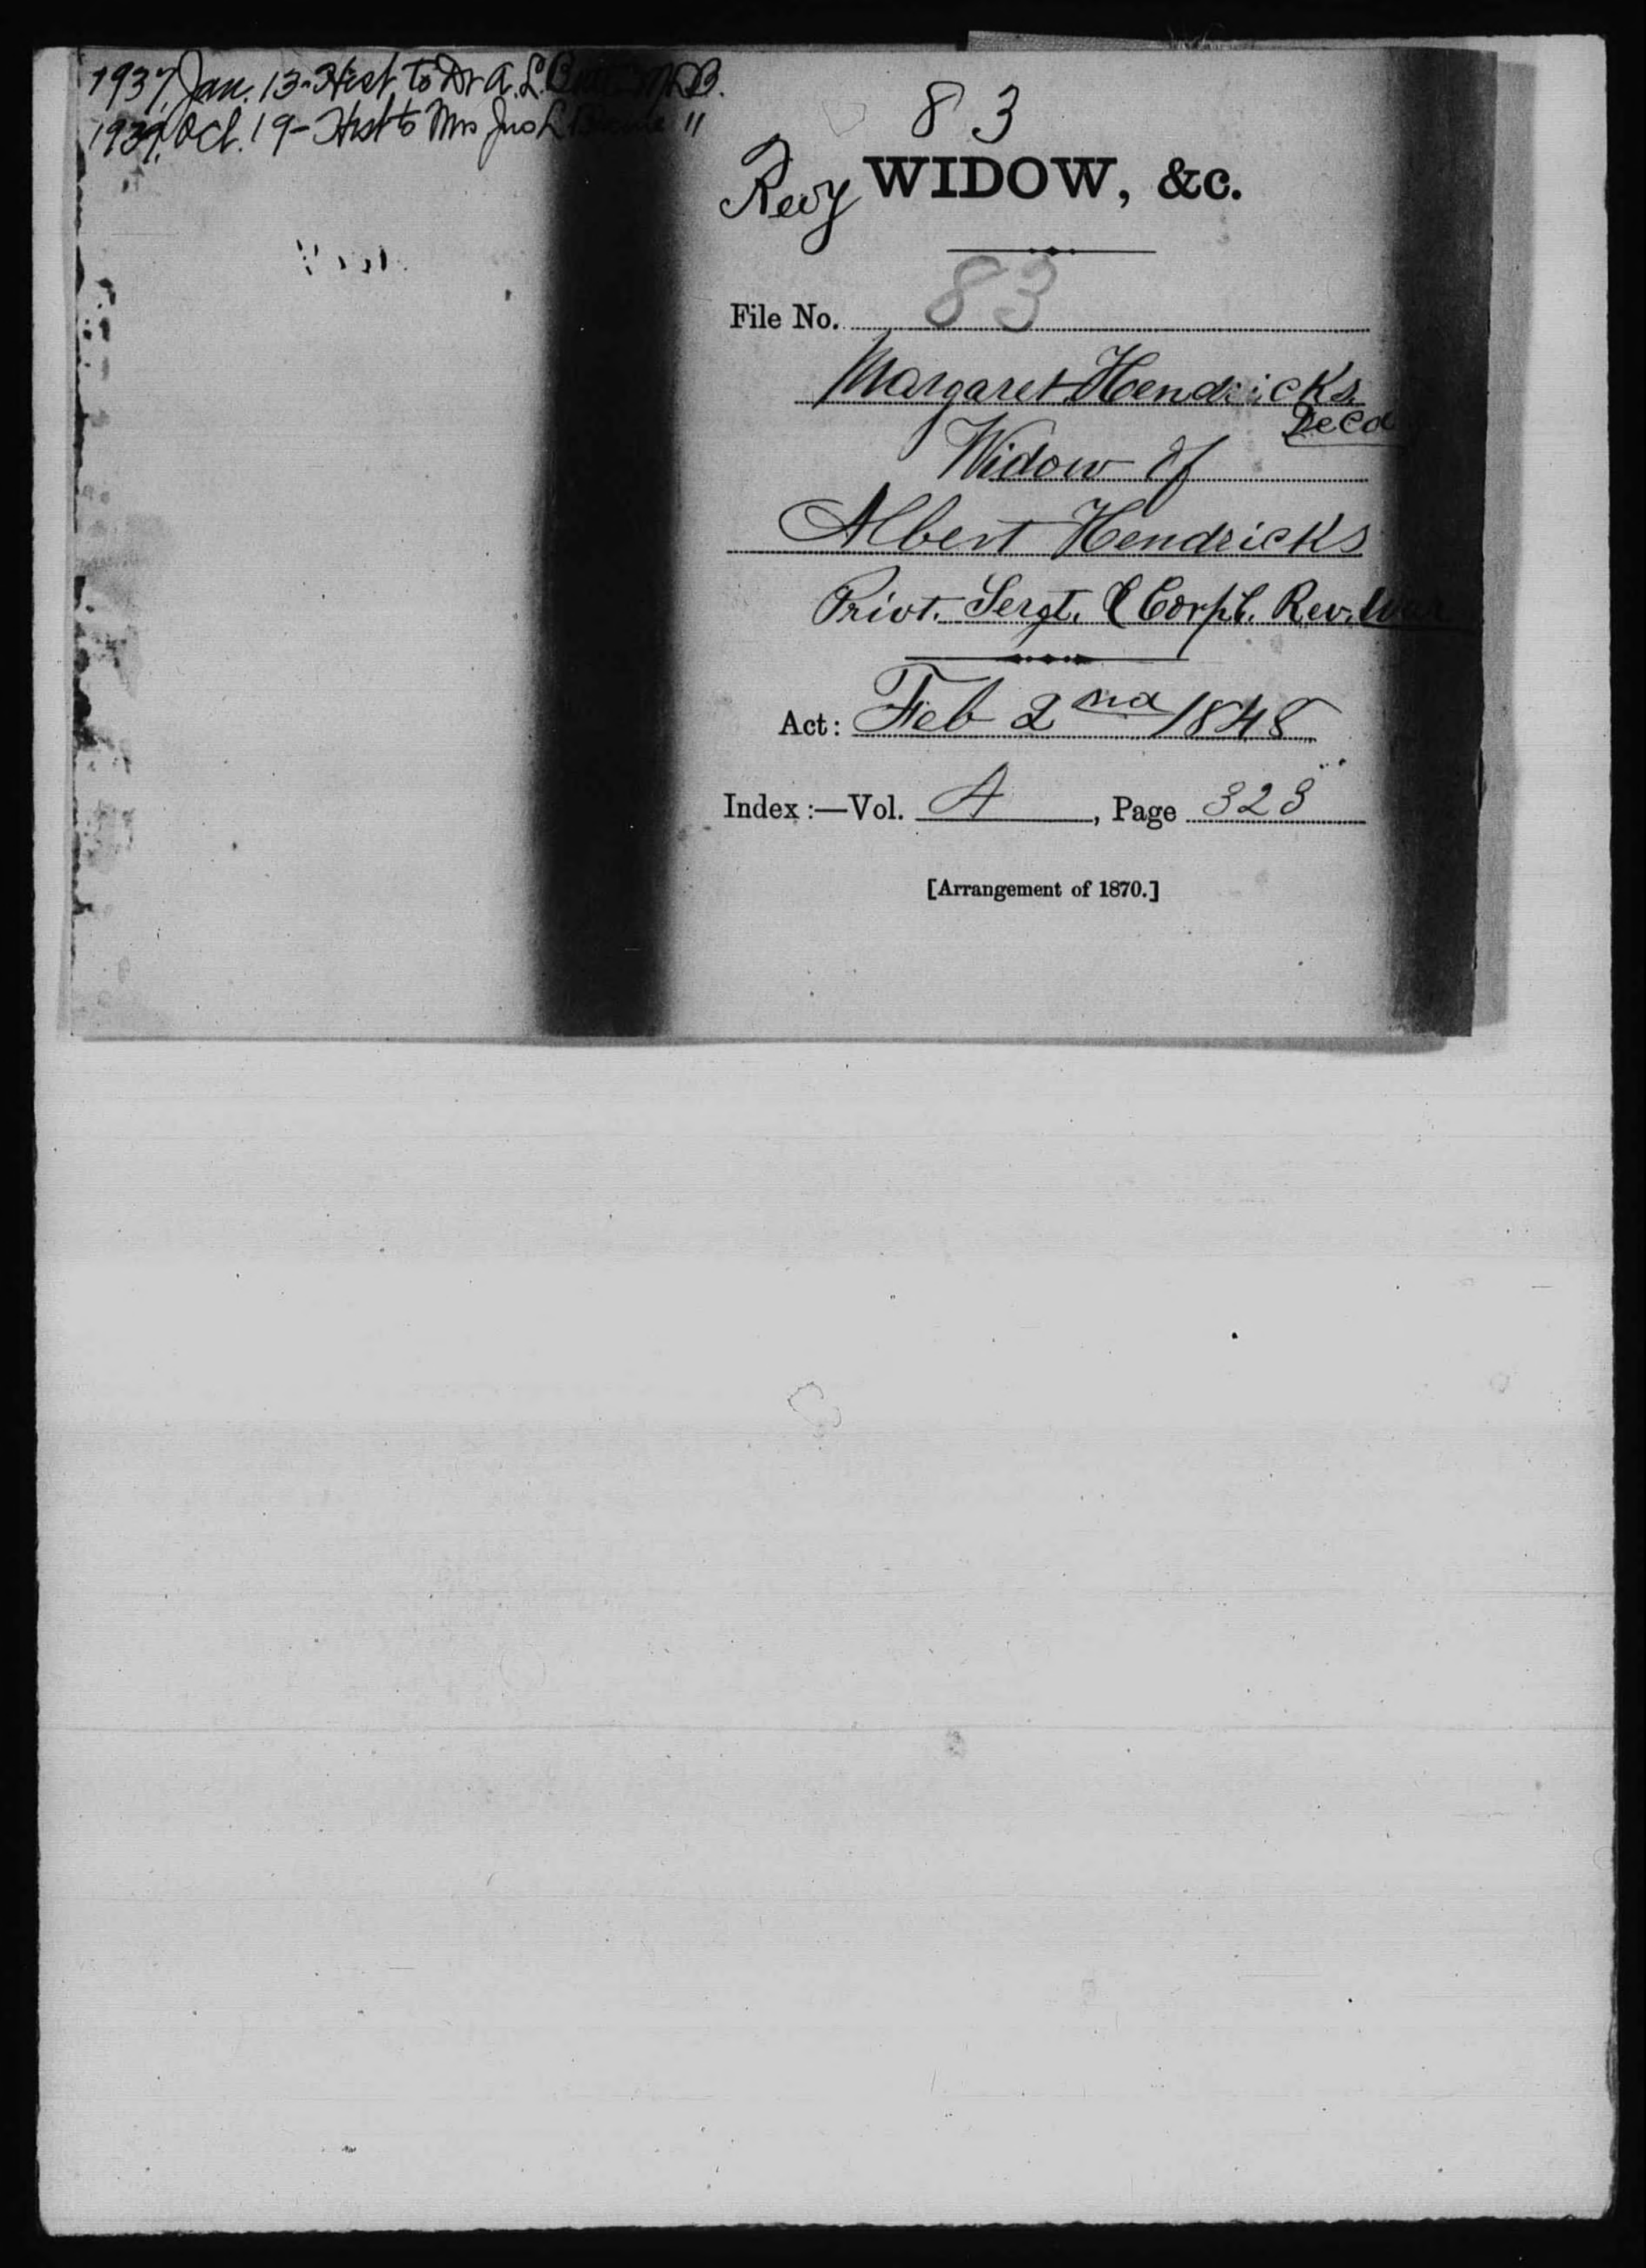[Two panels]
[Left panel]

1937, Jan. 13"Hist to Dr A. L. [illegible]
1939, Oct. 19- Hist to Mrs Jno [illegible]

[Right panel]

83
Revy WIDOW, &c.

File No. 83
Margaret Hendricks,
Decd
Widow of 
Albert Hendricks 
Privt. Sergt. & Corpl. Rev. War

Act: Feb. 2nd 1848

Index:--Vol. A, Page 323

[ Arrangement of 1870. ]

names: Albert Hendricks, Margaret Hendricks, Jno L, A L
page: 20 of 76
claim: widow's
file: W. 83, Albert Hendricks, Continental Md. N.C.